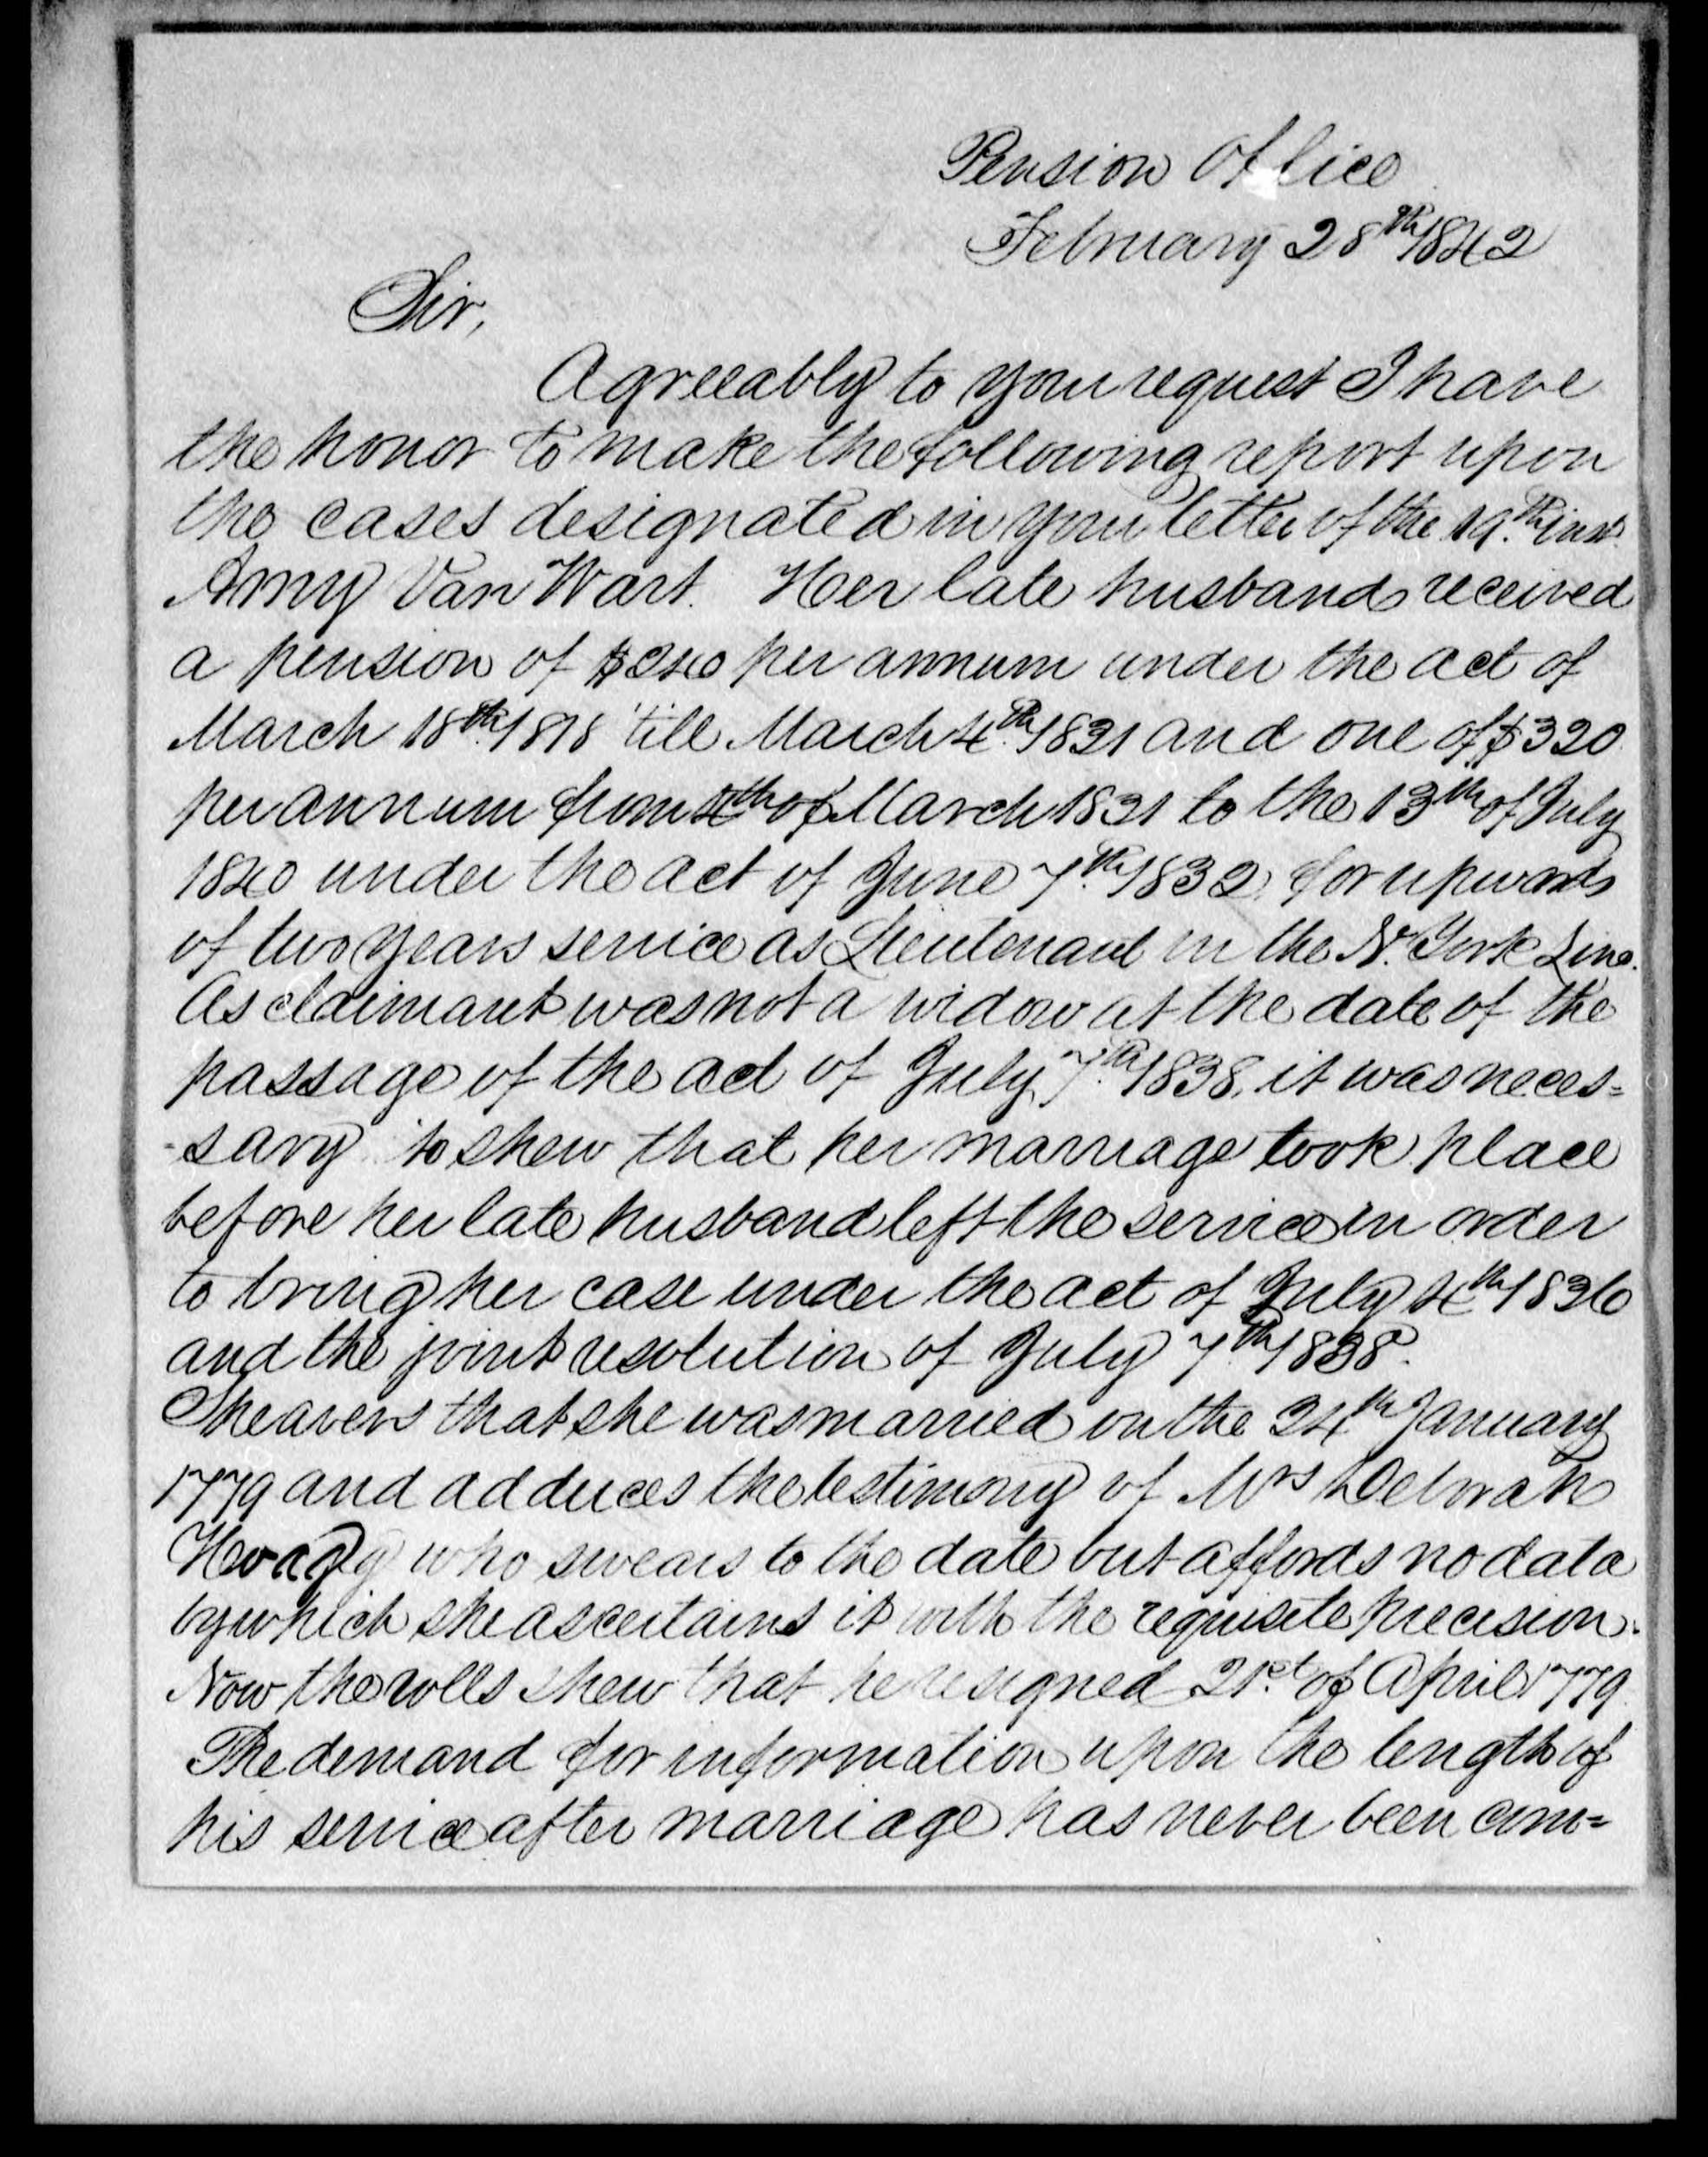Pension Office
February 28th 1842

Sir;

    Agreeably to your request I have the honor to make the following report upon the cases designated in your letter of the 19th as to
Amy Van Wart.  Her late husband received a pension of $240 per annum under the Act of March 18th 1818 'till March 4th 1831 and one of $320 per annum from 4th of March 1821 to the 13th of of July 1840 under the act of June 7th 1831 for upwards of two years service as Lieutenant in the N. York Line.  As claimant was not a widow at the date of the passage of the Act of July 7 1838, it was necessary to show that her marriage took place before her late husband left the service in order to bring her case under the Act of July 4th 1836 and the joint resolution of July 7th 1838.  She avers that she was married on the 24th of January 1779 and addresses the testimony of Mrs Deborah Hoagg who swears to the date but affords no data by which she ascertains it with the requisite precision.  Now the rolls show that he resigned 21st of April 1779.  The demand for information upon the length of his service after the marriage has never been com-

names: Amy Van Wart, Deborah Hoagg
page: 59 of 102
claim: widow's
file: W. 18239, Isaac Van Wart, New York